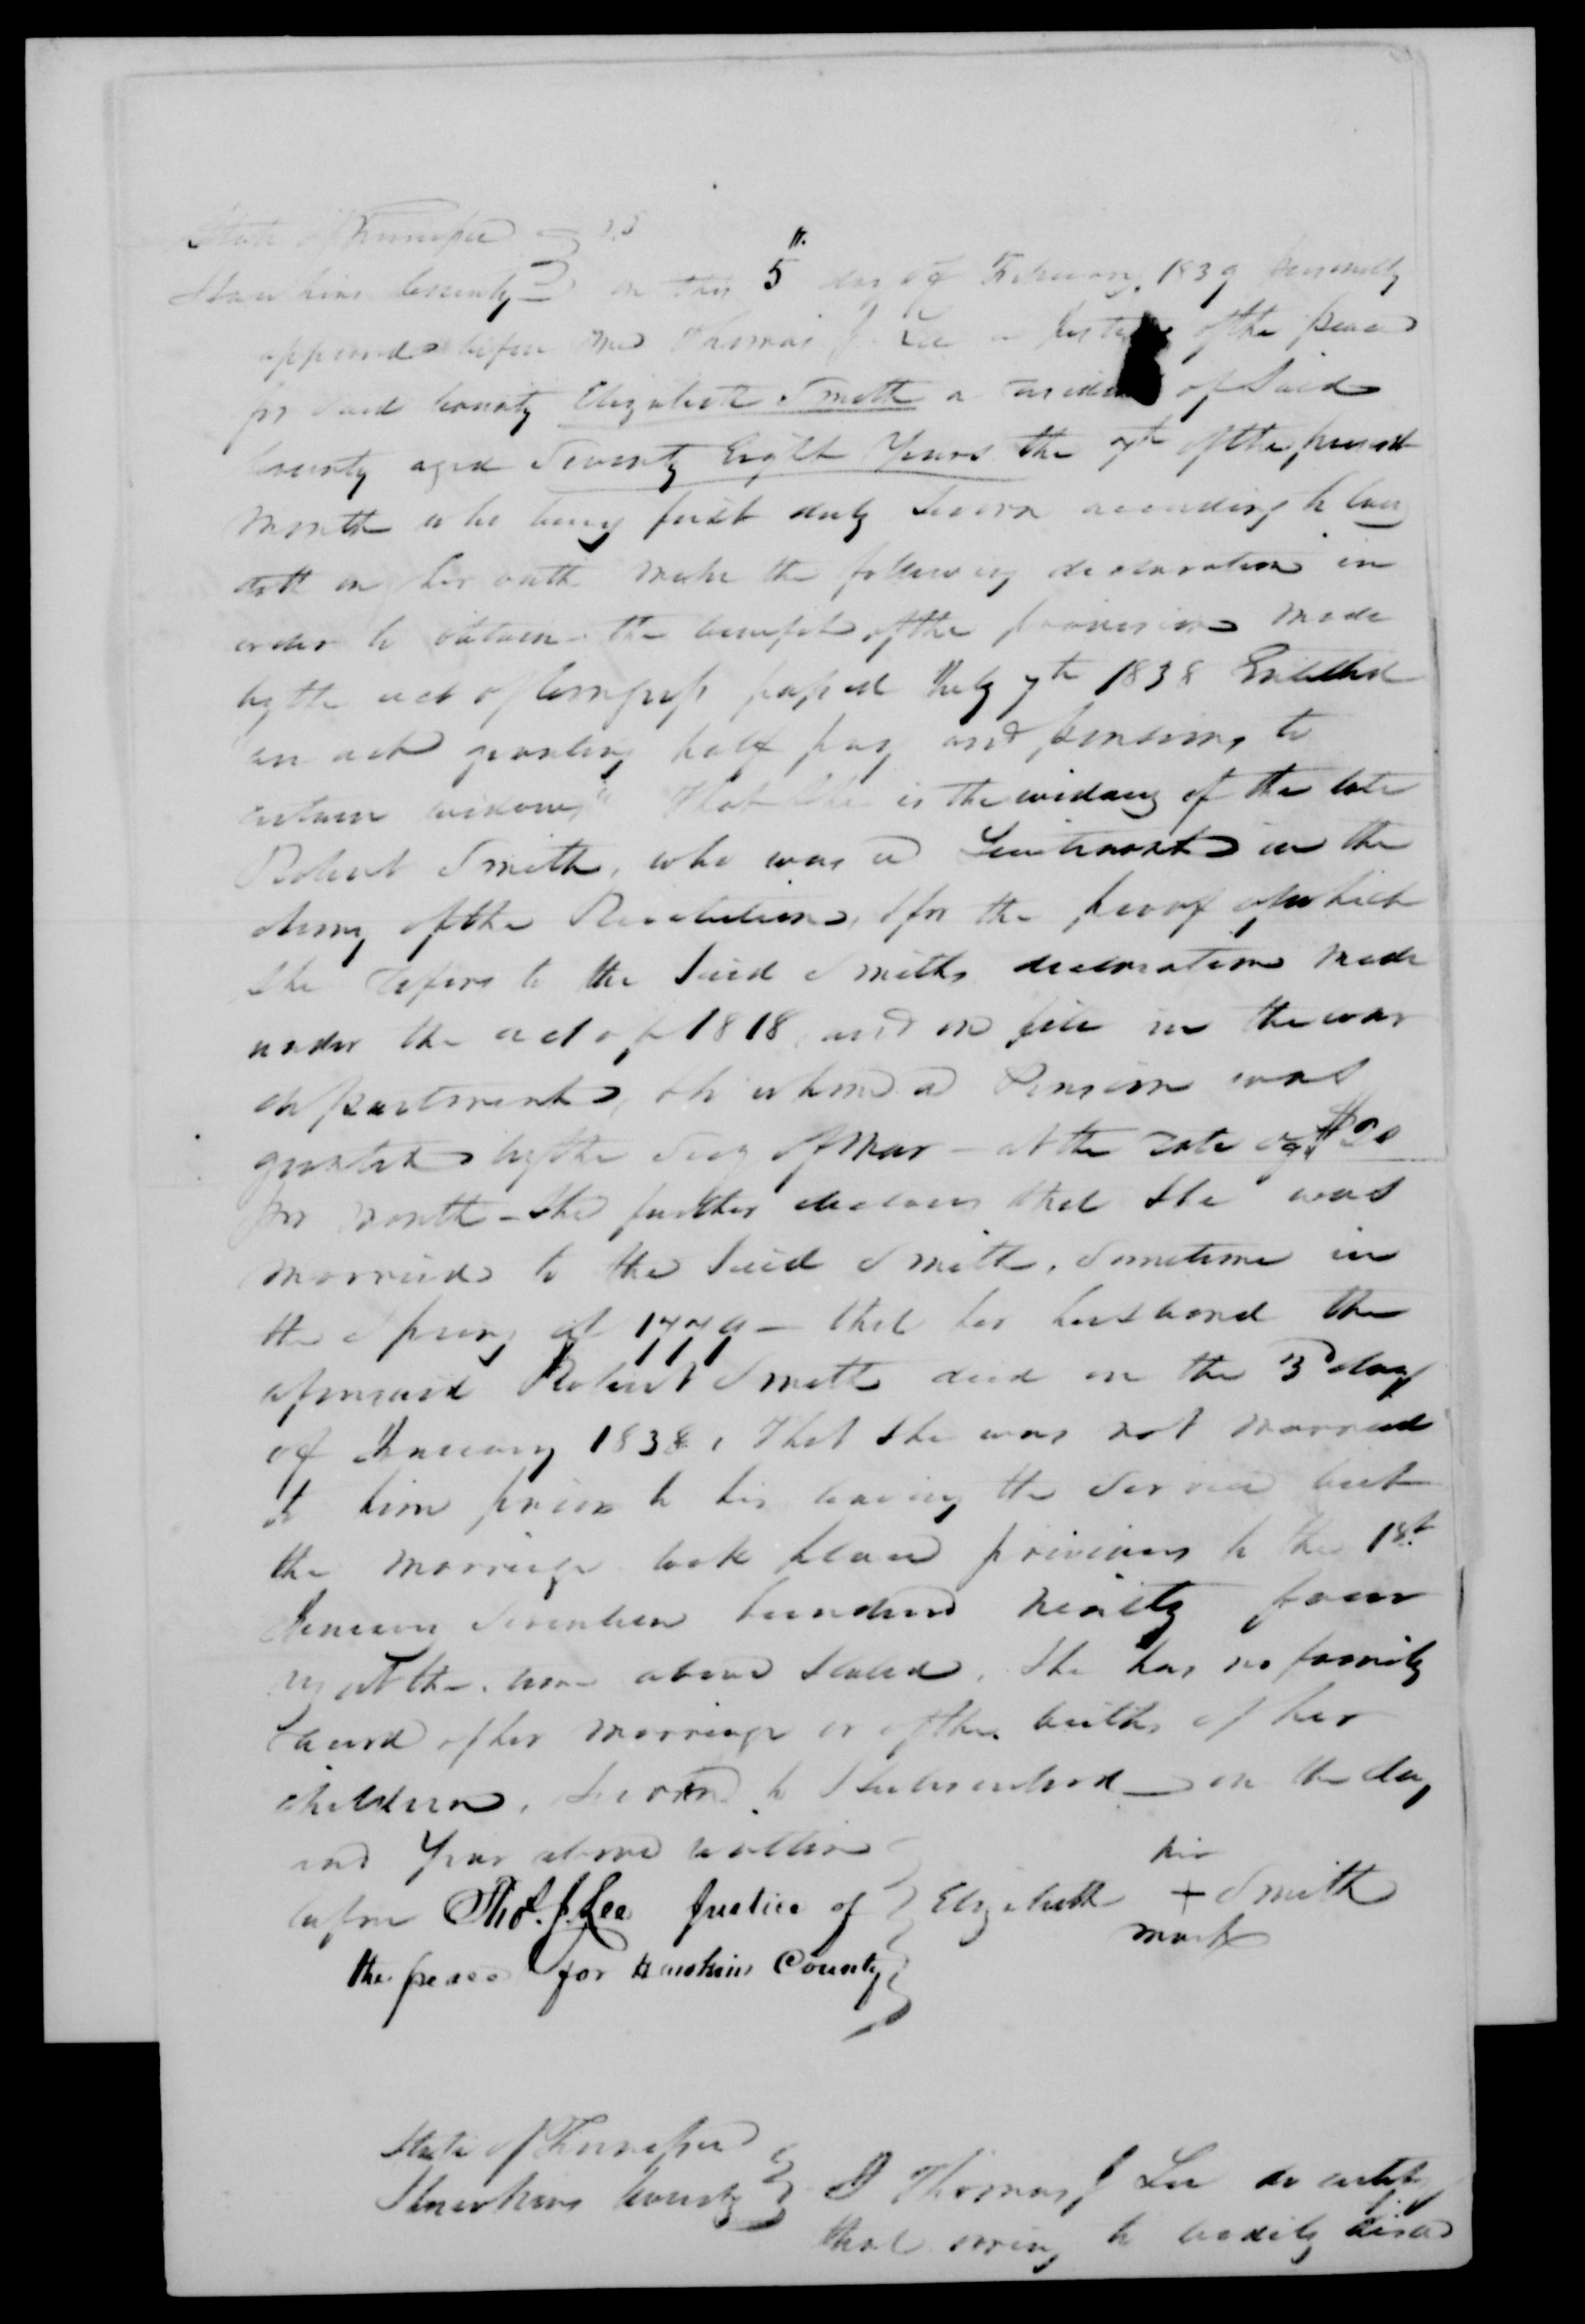State of Tennessee Hawkins County on this 5 day of Jan. 1839 Personally
appeared before me Thomas J. Lee Justice of the peace in said County Elizabeth Smith a resident of said
County aged Seventy eight years the 7th of the present month who being first duly sworn according to law
doth on her oath make the following declaration in order to obtain the benefit of the provision made
by the act of Congress passed July 7th 1838 Entitled an act granting half pay and pensions to certain widows.
That she is the widow of the late
Robert Smith, who was a Lieutenant in the war of the Revolution for the proof of which she refers to the said Smith's declaration made under the act of 1818 and on file in the war
Department, to whom a Pension was
granted by the Secy of War at the rate of $20 per month - She further declares that she was married to the said Smith, Sometime in the Spring of 1779. that her husband the
aforesaid Robert Smith died on the 3d day of January 1838. That she was not married to him prior to his leaving the service but the marriage took place previous to the 1st January Seventeen hundred ninety four at the time above stated. She has no family records of her marriage or of the birth of her children. Sworn & subscribed on the day and year above written. 
Elizabeth Smith X her mark
before Thos Lee Justice of 
the peace for Hawkins County

State of Tenessee Hawkins County ⎬ I Thomas J. Lee do certify that owing to bodily disab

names: Thomas J Lee; Thomas J Lee; [BLANK] Smith; Thos J Lee; Robert Smith; [BLANK] Smith; Robert Smith; Elizabeth Smith; Elizabeth Smith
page: 42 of 79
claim: widow's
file: W. 1504, for Robert Smith, North Carolina